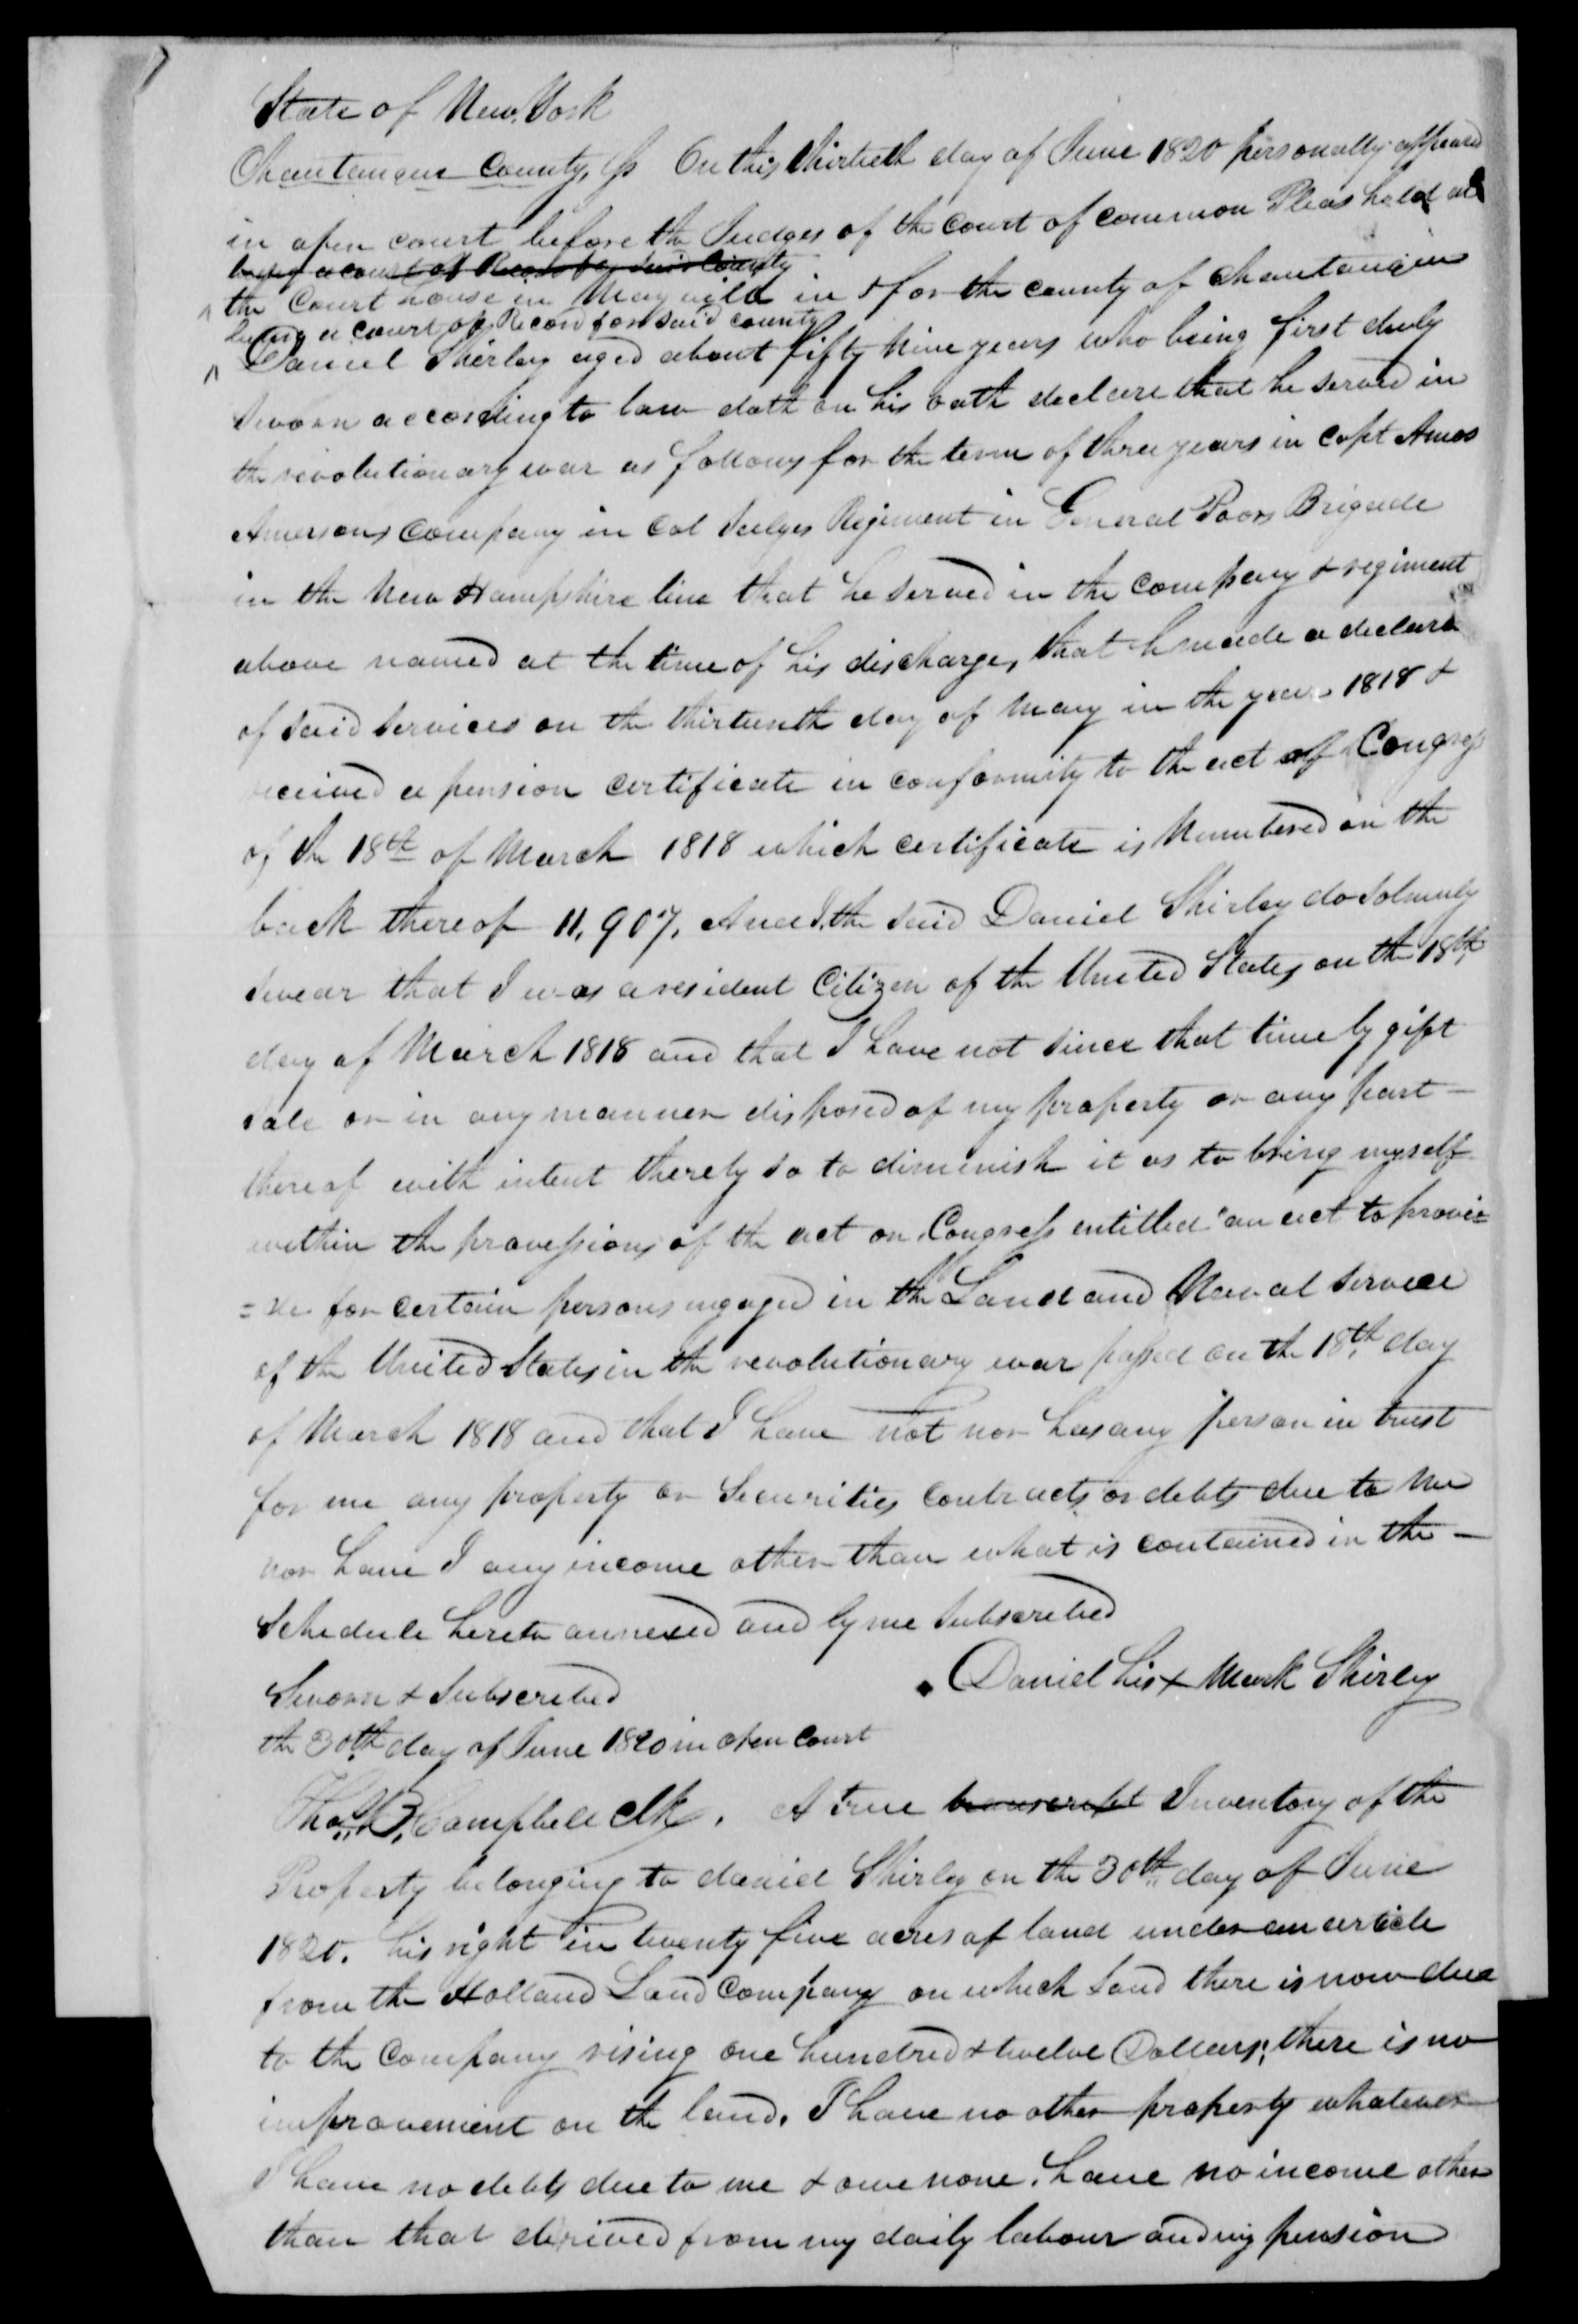State of New York
Chautauqua County fs.

On this thirtieth day of June 1820 personally appeared in open court before the Judges of the Court of Common Pleas held at ["being a court of Record for Said County" stricken out] the Courthouse in Mayville in & for the county of Chautauqua being a court of Record for Said County Daniel Shirley aged about fifty nine years who being first duly Sworn according to law doth on his oath declare that he served in the revolutionary war as follows for the term of three years in Capt Amos Amersons Company in Col Seelyes Regiment in General Poors Brigade in the New Hampshire line that he served in the company & regiment above named at the time of his discharge, that he made a declaration of Said Services on the thirteenth day of May in the year 1818 & received a pension certificate in conformity to the act of Congrefs of the 18th of March 1818 which certificate is Numbered on the back thereof 11,907.  And I the said Daniel Shirley do Solemnly Swear that I was a resident Citizen of the United States on the 18th day of March 1818 and that I have not since that time by gift sale or in any manner disposed of my property or any part thereof with intent thereby so to diminish it as to bring myself within the provifions of the act on Congrefs entitled "an act to provide for certain persons engaged in the Land and Navel Service of the United States in the revolutionary war pafsed on the 18th day of March 1818 and that I have not nor has any person in trust for me any property or Securities, contracts or debts due to me nor have I any income other than what is contained in the Schedule hereto anne3xe3d and by me Subscribed
Daniel  his x mark  Shirley

Sworn & Subscribed the 30th day of June 1820 in open Court
Thos. B. Campbell  Clk.

A true [illegible stricken out] Inventory of the Property belonging to daniel Shirley on the 30th day of June 1820.  his right in twenty five acres of land under an article from the Holland Land Company on which land there is now due to the Company rising one hundred & twelve Dollars; there is no improvement on the land.  I have no other property whatever--I have no debts due to me & owe none.  Have no income other than that derived from my daily labour and my pension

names: Daniel Shirley; Thos B Campbell; Daniel Shirley; Daniel Shirley; Daniel Shirley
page: 3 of 20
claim: survivor's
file: S. 40412, for Daniel Shirley, New Hampshire